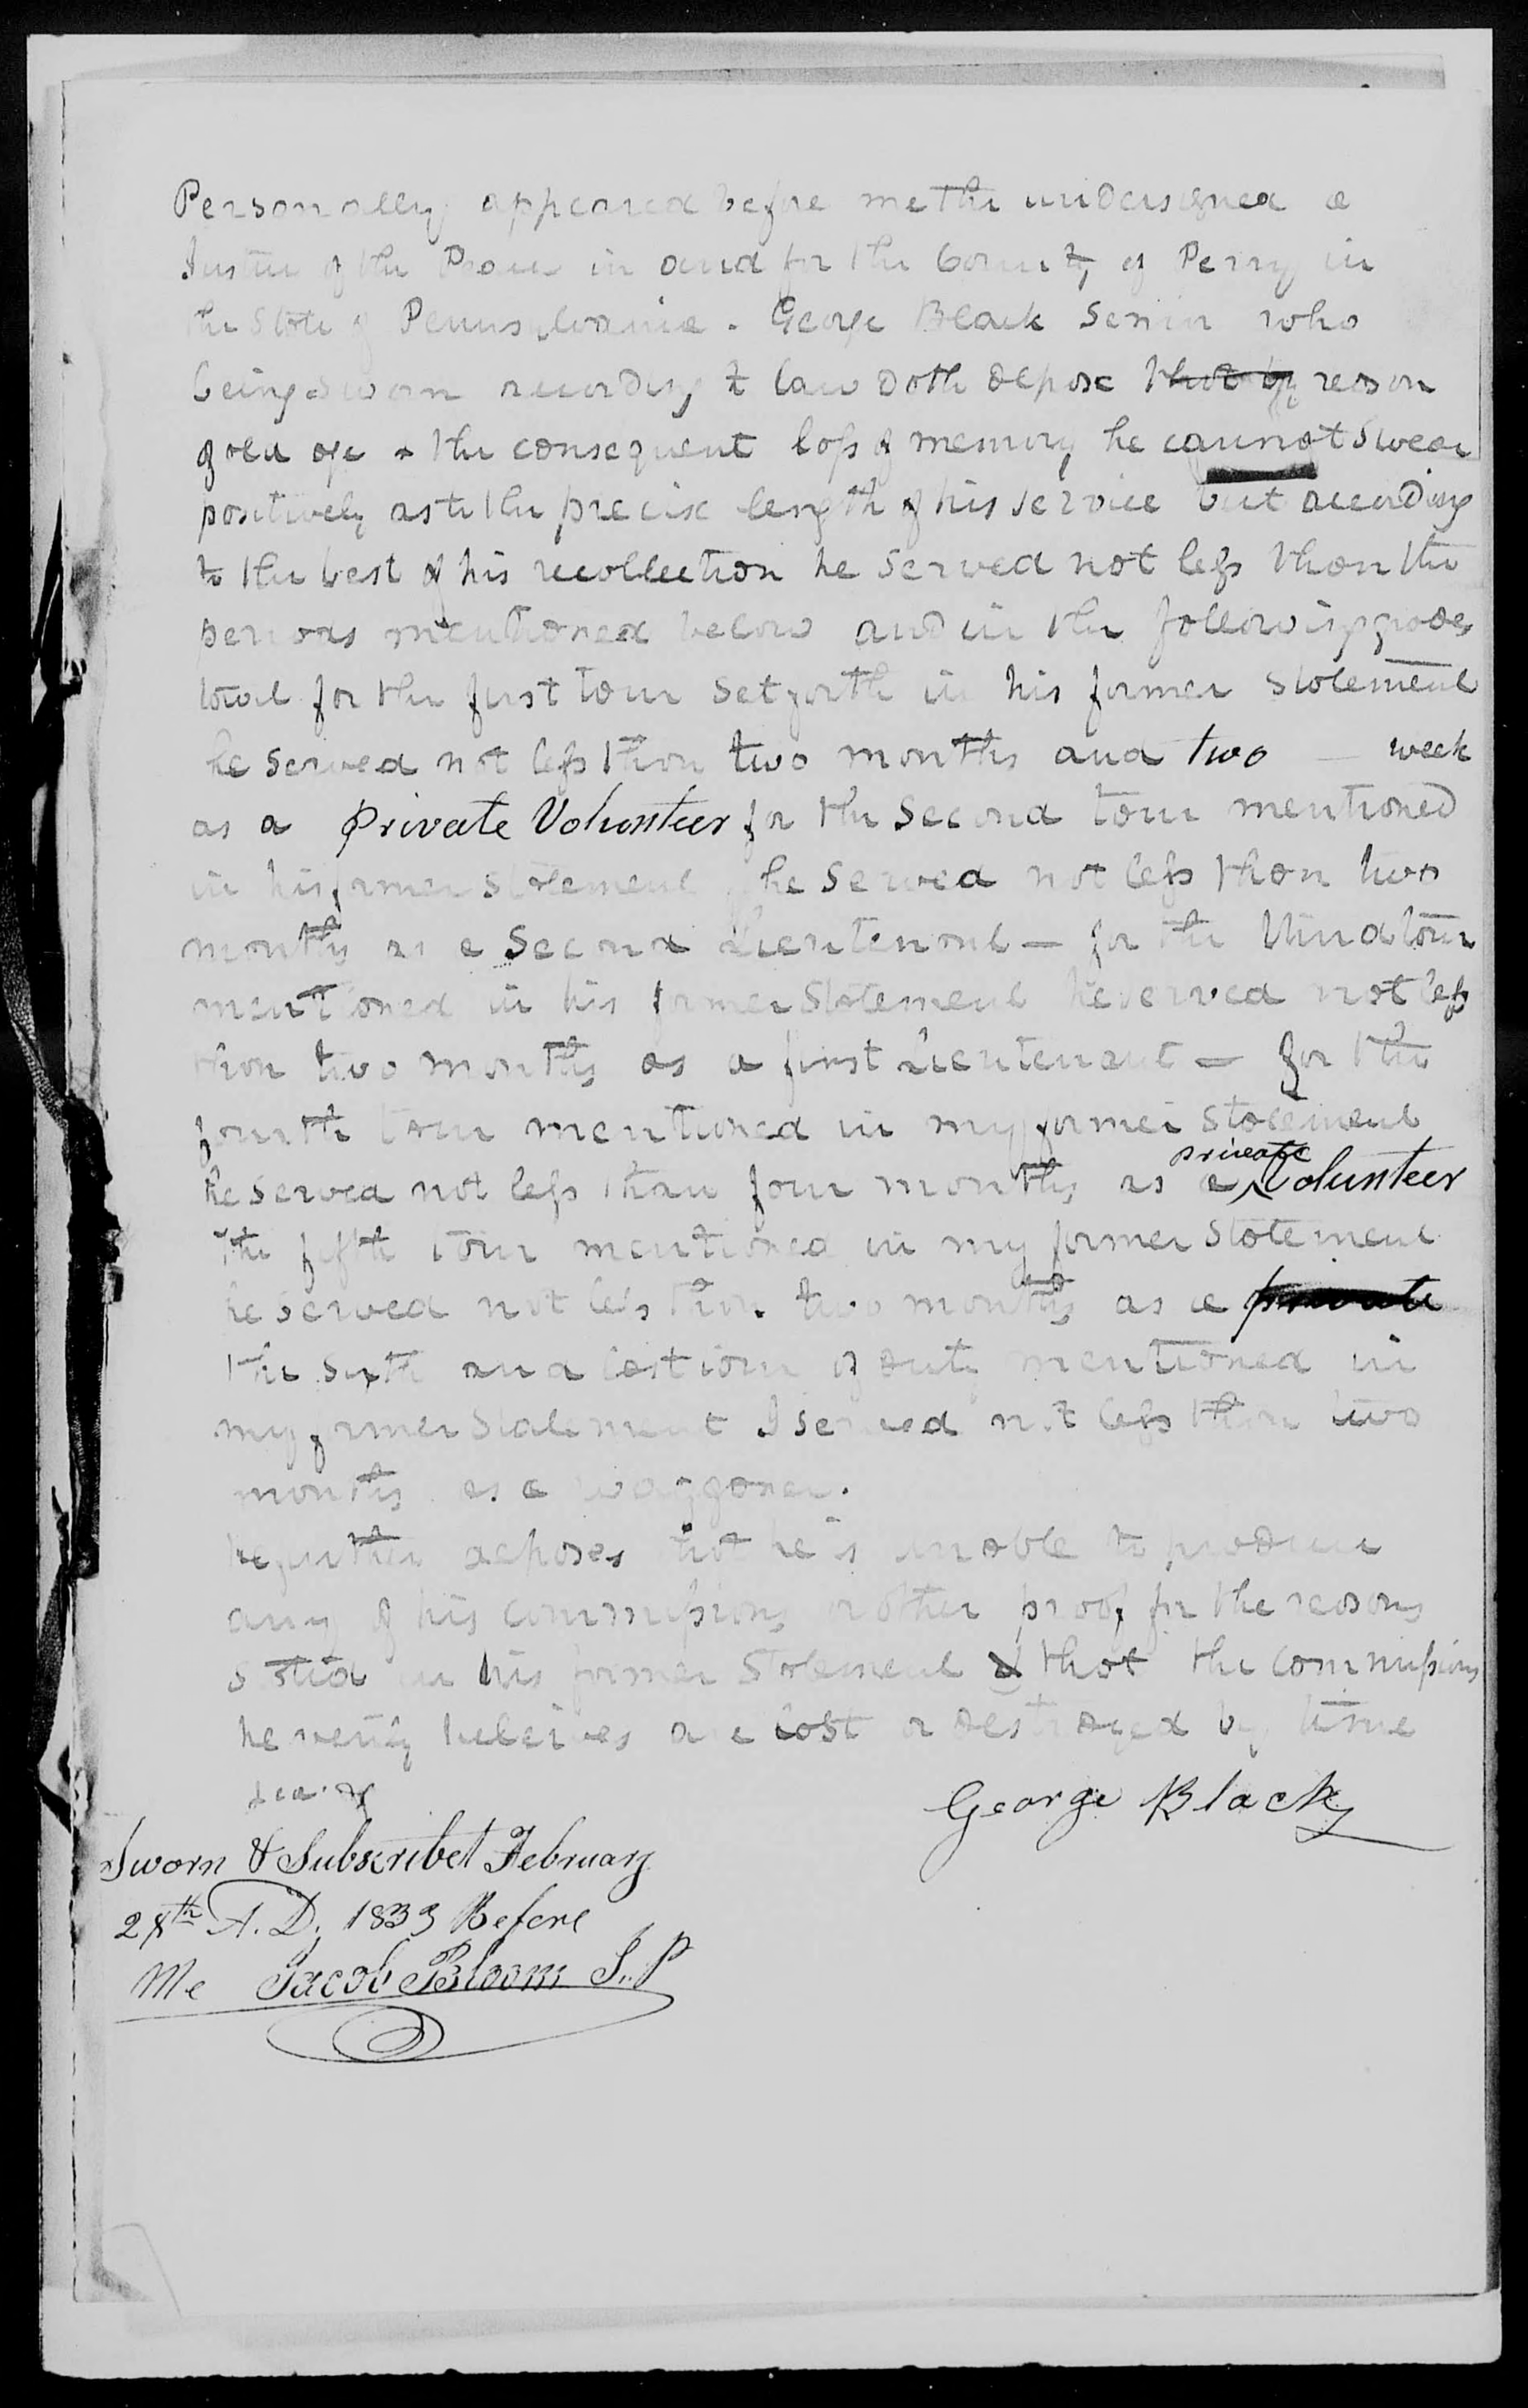Personally appeared before me the undersigned & Justice of the Peace in [illegible] for the County of Perry in the State of Pennsylvania.  George Black Senior who being sworn recording to law doth depose reason of old age & the consequent loss of memory he cannot swear positively as to the precise length of his service but recording to the best of his recollection he served not less than the periods mentioned below and in the following grade [illegible] for this first tour set forth in his former statement he served not less than two months and two week as a Private Volunteer for the second tour mentioned in his former statement he served not less than two months as a Second Lieutenant - for the third]
tour mentioned in his former statement he served not less than two months as a first Lieutenant - for the fourth tour mentioned in my former statement he served not less than four months as a private Volunteer the fifth tour mentioned in my former statement he served not less than two months as a private the sixth and last tour of duty mentioned in my former statement I served not less than two months as a waggoner.
He further deposed that he is unable to produce any of his commission, or other proof for the reasons stated in his former statement that the commissions he verify believes are lost or destroyed by time. [illegible]
Sworn & Subscribed February 28th A. D. 1833 Before Me Jacob Bloom J. P.
George Black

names: Hubert, Jacob Bloom, George Black, George Black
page: 9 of 30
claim: widow's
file: W. 3211, George Black, Penn.